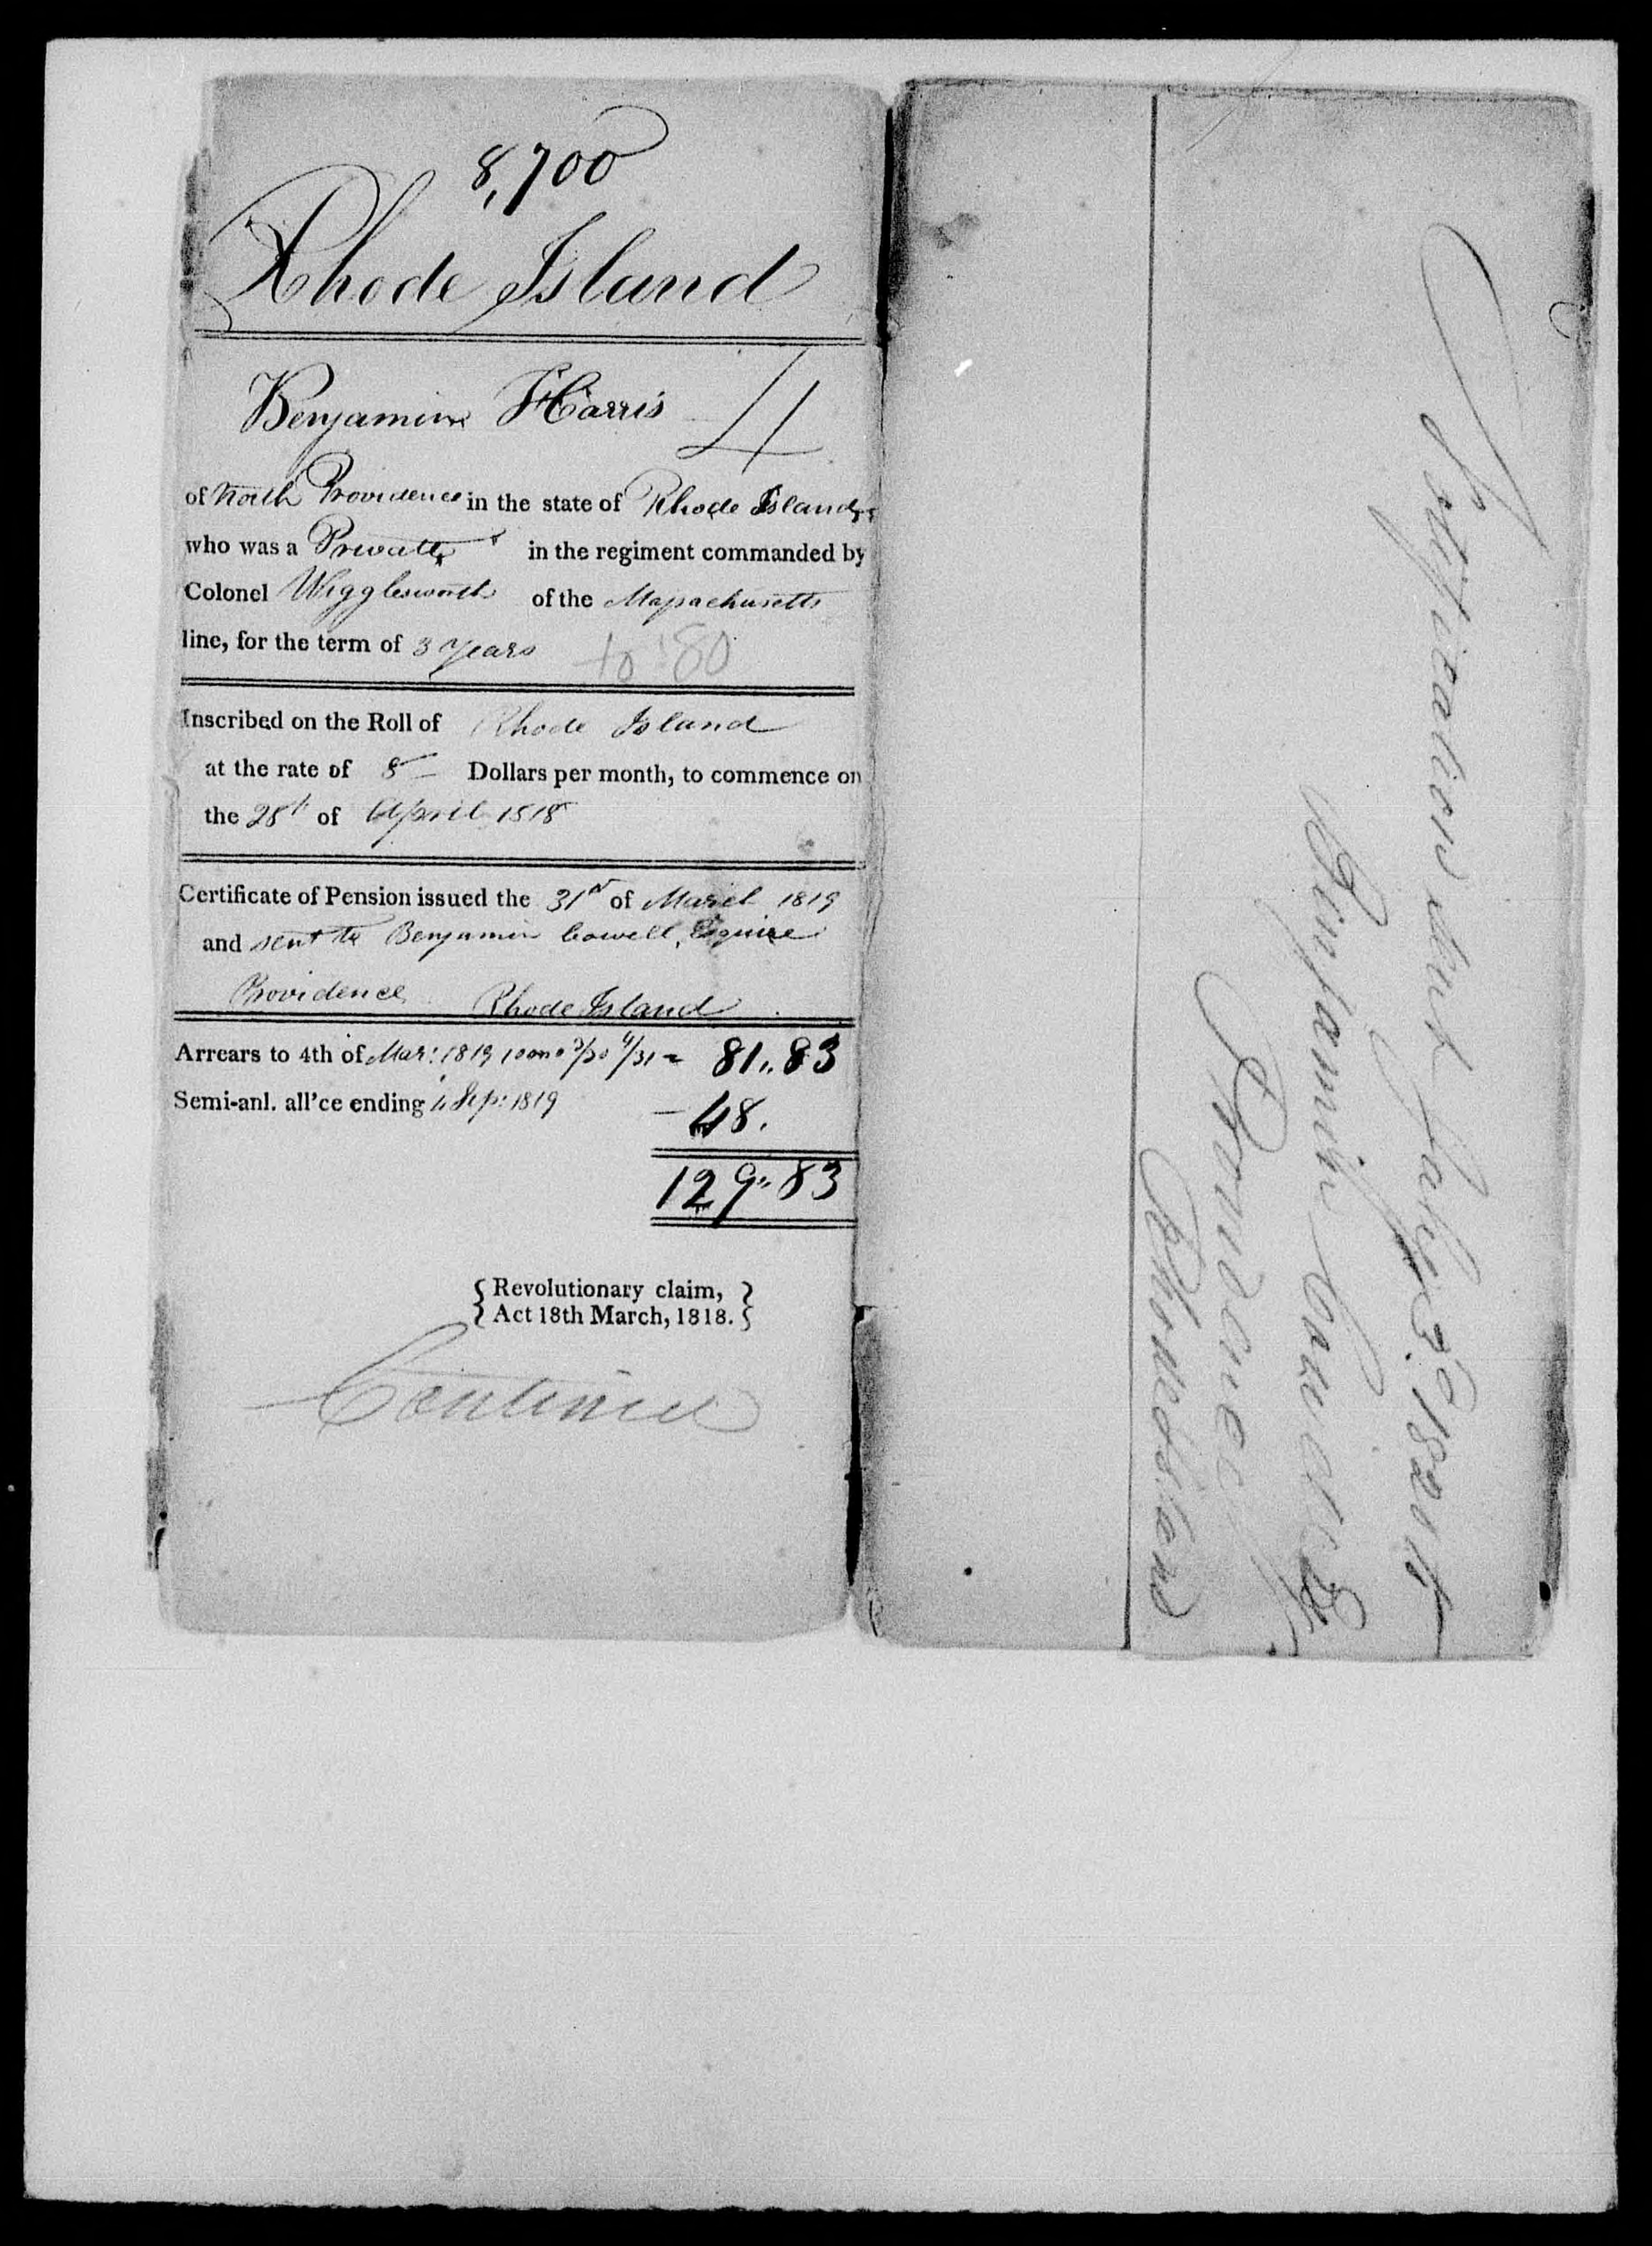8,700
Rhode Island
---
Benjamin Harris
of North Providence in the state of Rhode Island 
who was a Private in the regiment commanded by 
Colonel Wigglesworth of of the Massachusetts
line, for the term of 3 years
to 80

Inscribed on the Roll of Rhode Island
at the rate of 8 Dollars per month, to commence on
the 28th of April 1818

Certificate of Pension issued the 31st of March 1819
and sent to Benjamin Cowell Esquire
Providence
Rhode Island

Arrears to 4th of Mar 1819 100mo 2/20 4/31 81.83
Semi-anl. all'ce ending 6 Sep 1819 48.
129.83

{Revolutionary claim,
Act 18th March, 1818.}
Continue

Registration filed Jany 3d 1820
Benjamin Cowell Esq
Provident
Rhode Island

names: Benjamin Harris, Benjamin Cowell, Wigglesworth, Benjamin Cowell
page: 2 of 62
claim: survivor's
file: S. 38816, Benjamin Harris, Mass.